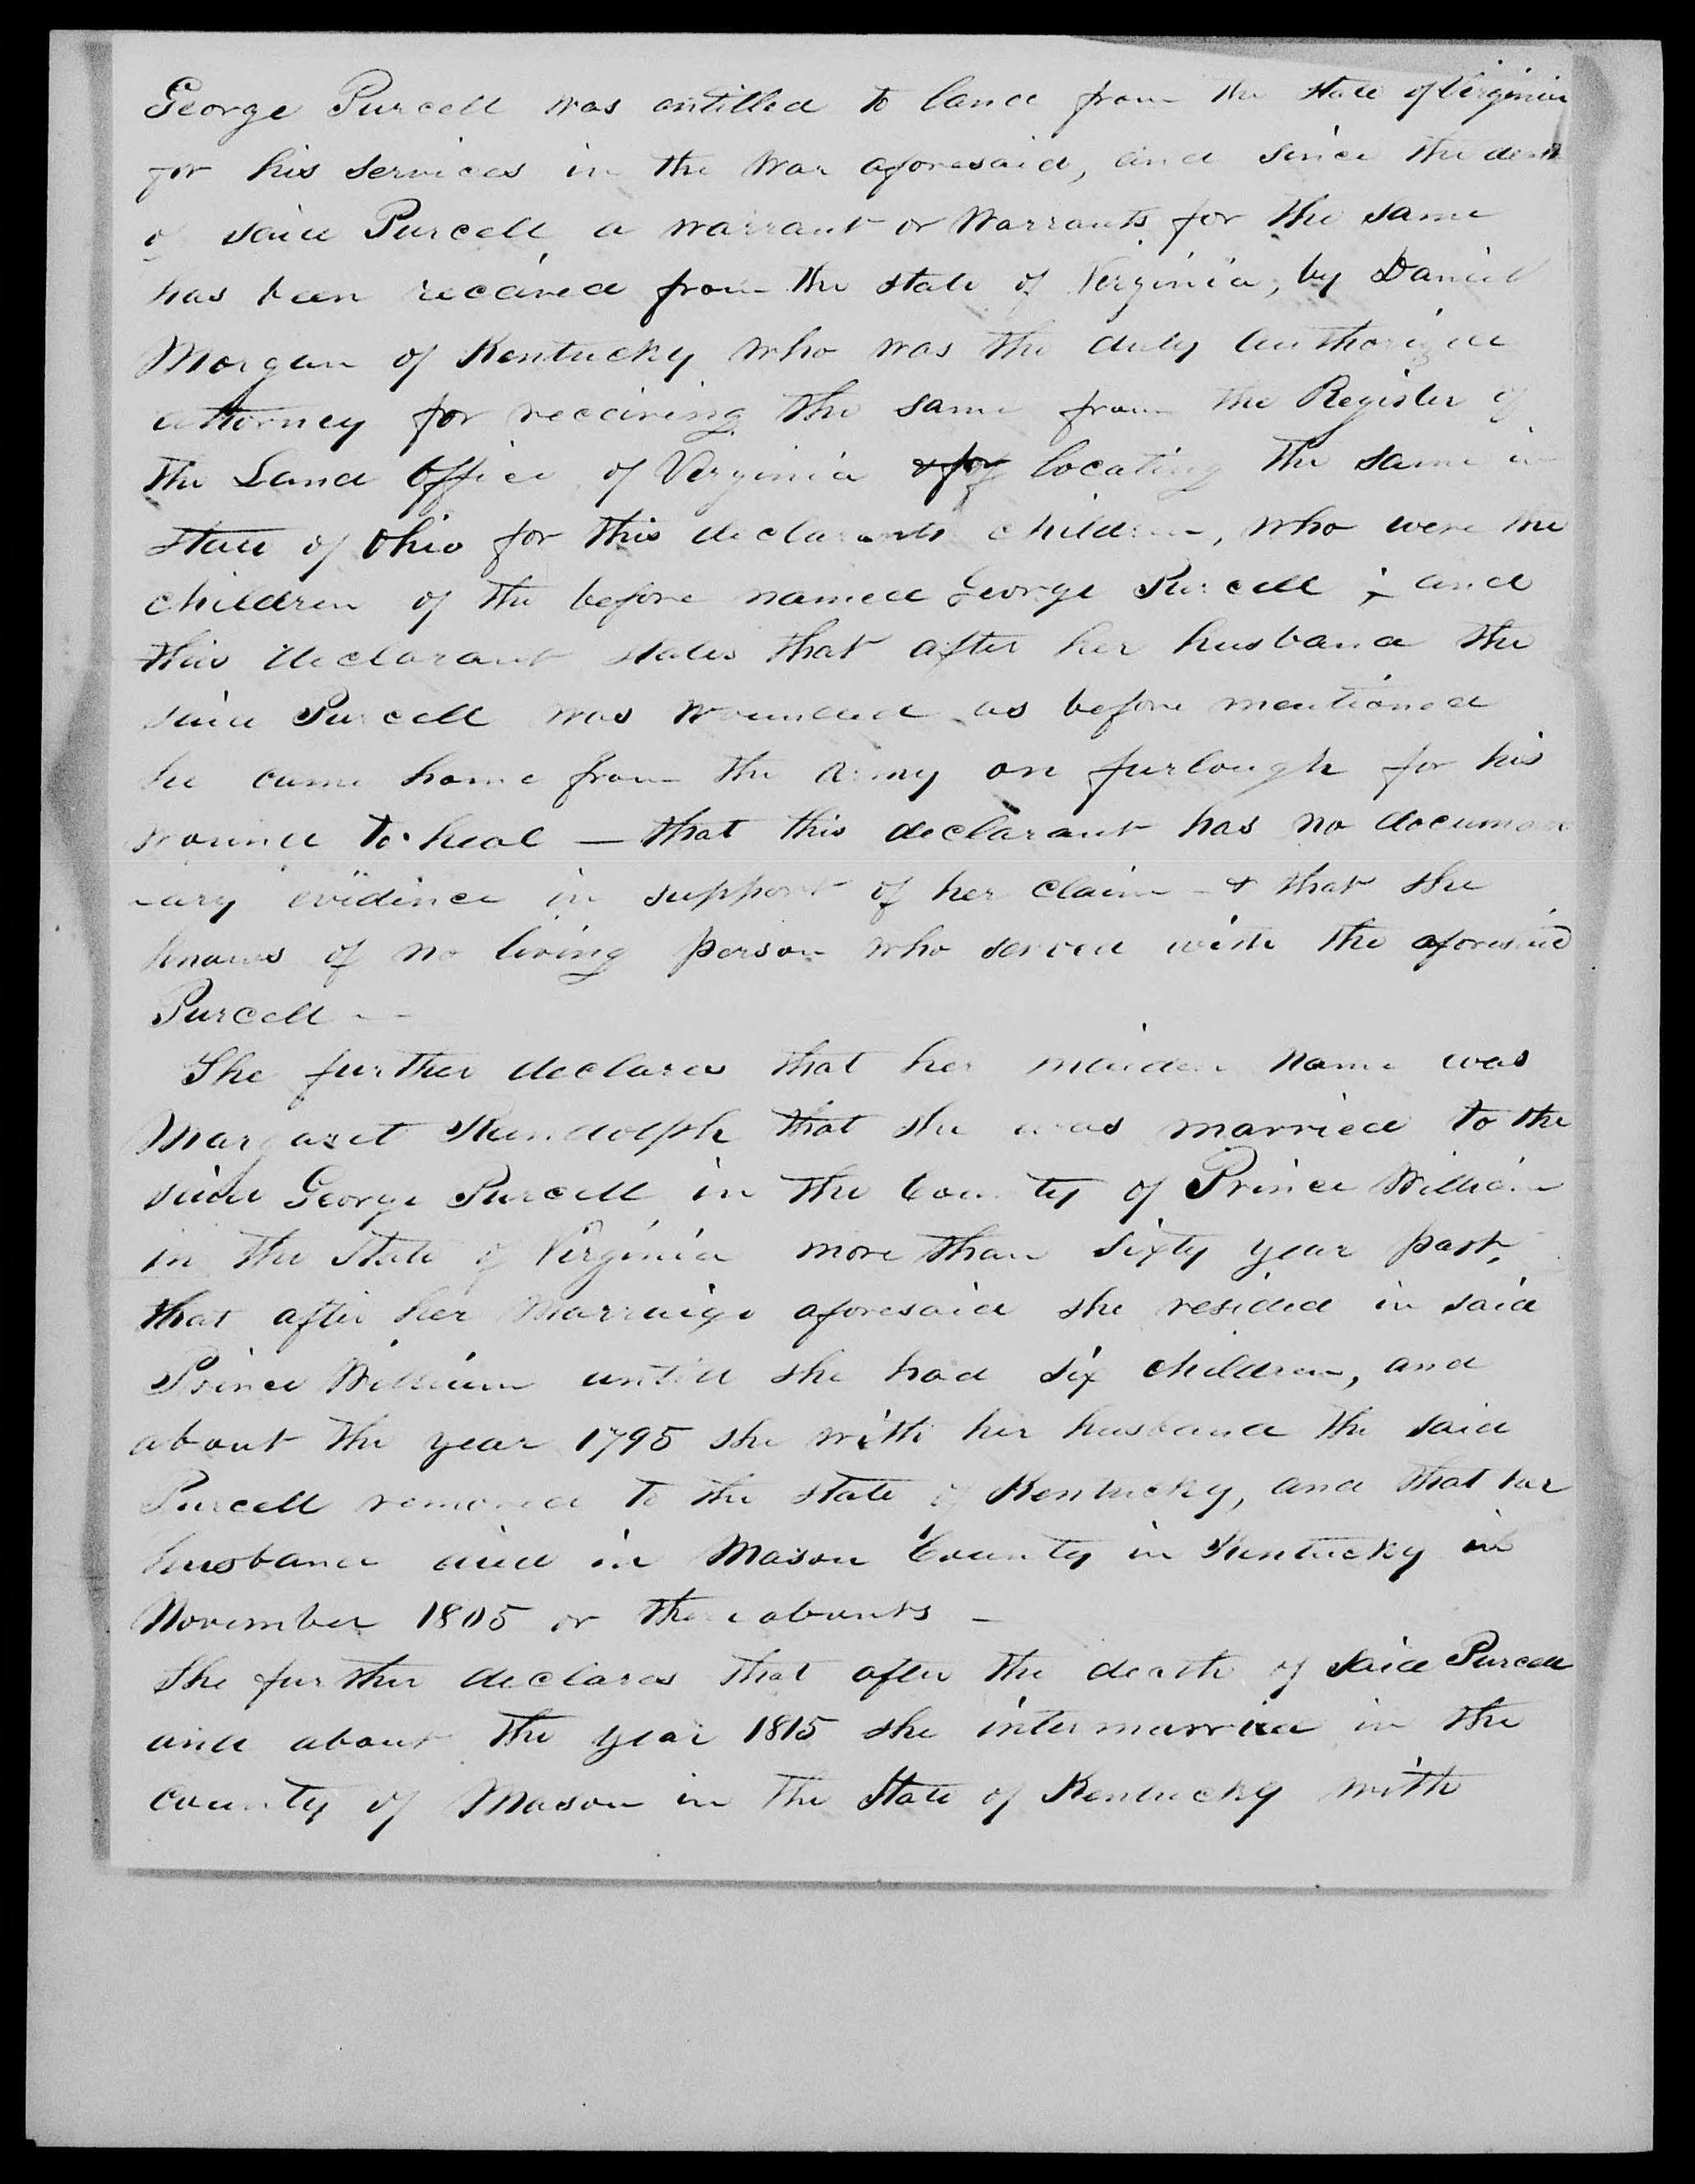George Purcell was entitled to land from the State of Virginia for his services in the War aforesaid, and since the death of said Purcell, a warrant or Warrants for the same has been received from the State of Virginia; by Daniel Morgan of Kentucky who was the duly Authorized Attorney for receiving the same from the Register of the Land Office of Virginia & for locating the same in State of Ohio for this declarants children, who were the children of the before named George Purcell; and this declarant states that after her husband the said Purcell was wounded as before mentioned he came home from the army on furlough for his wound to heal - that this declarant has no documentary evidence in support of her claim - & that she knows of no living person who served with the aforesaid Purcell--
She further declares that her maiden name was Margaret Randolph that she was married to the said George Purcell in the County of Prince William in the State of Virginia more than sixty years past, that after her Marriage aforesaid she resided in said Prince William until she had six children, and about the year 1795 she with her husband the said Purcell removed to the State of Kentucky, and that her husband died in Mason County in Kentucky in NOvember 1805 or thereabouts-
She further declares that after the death of said Purcell and about the year 1815 she intermarried in the County of Mason in the State of Kentucky with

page: 5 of 86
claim: widow's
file: W. 6661, for George Purcell, Virginia